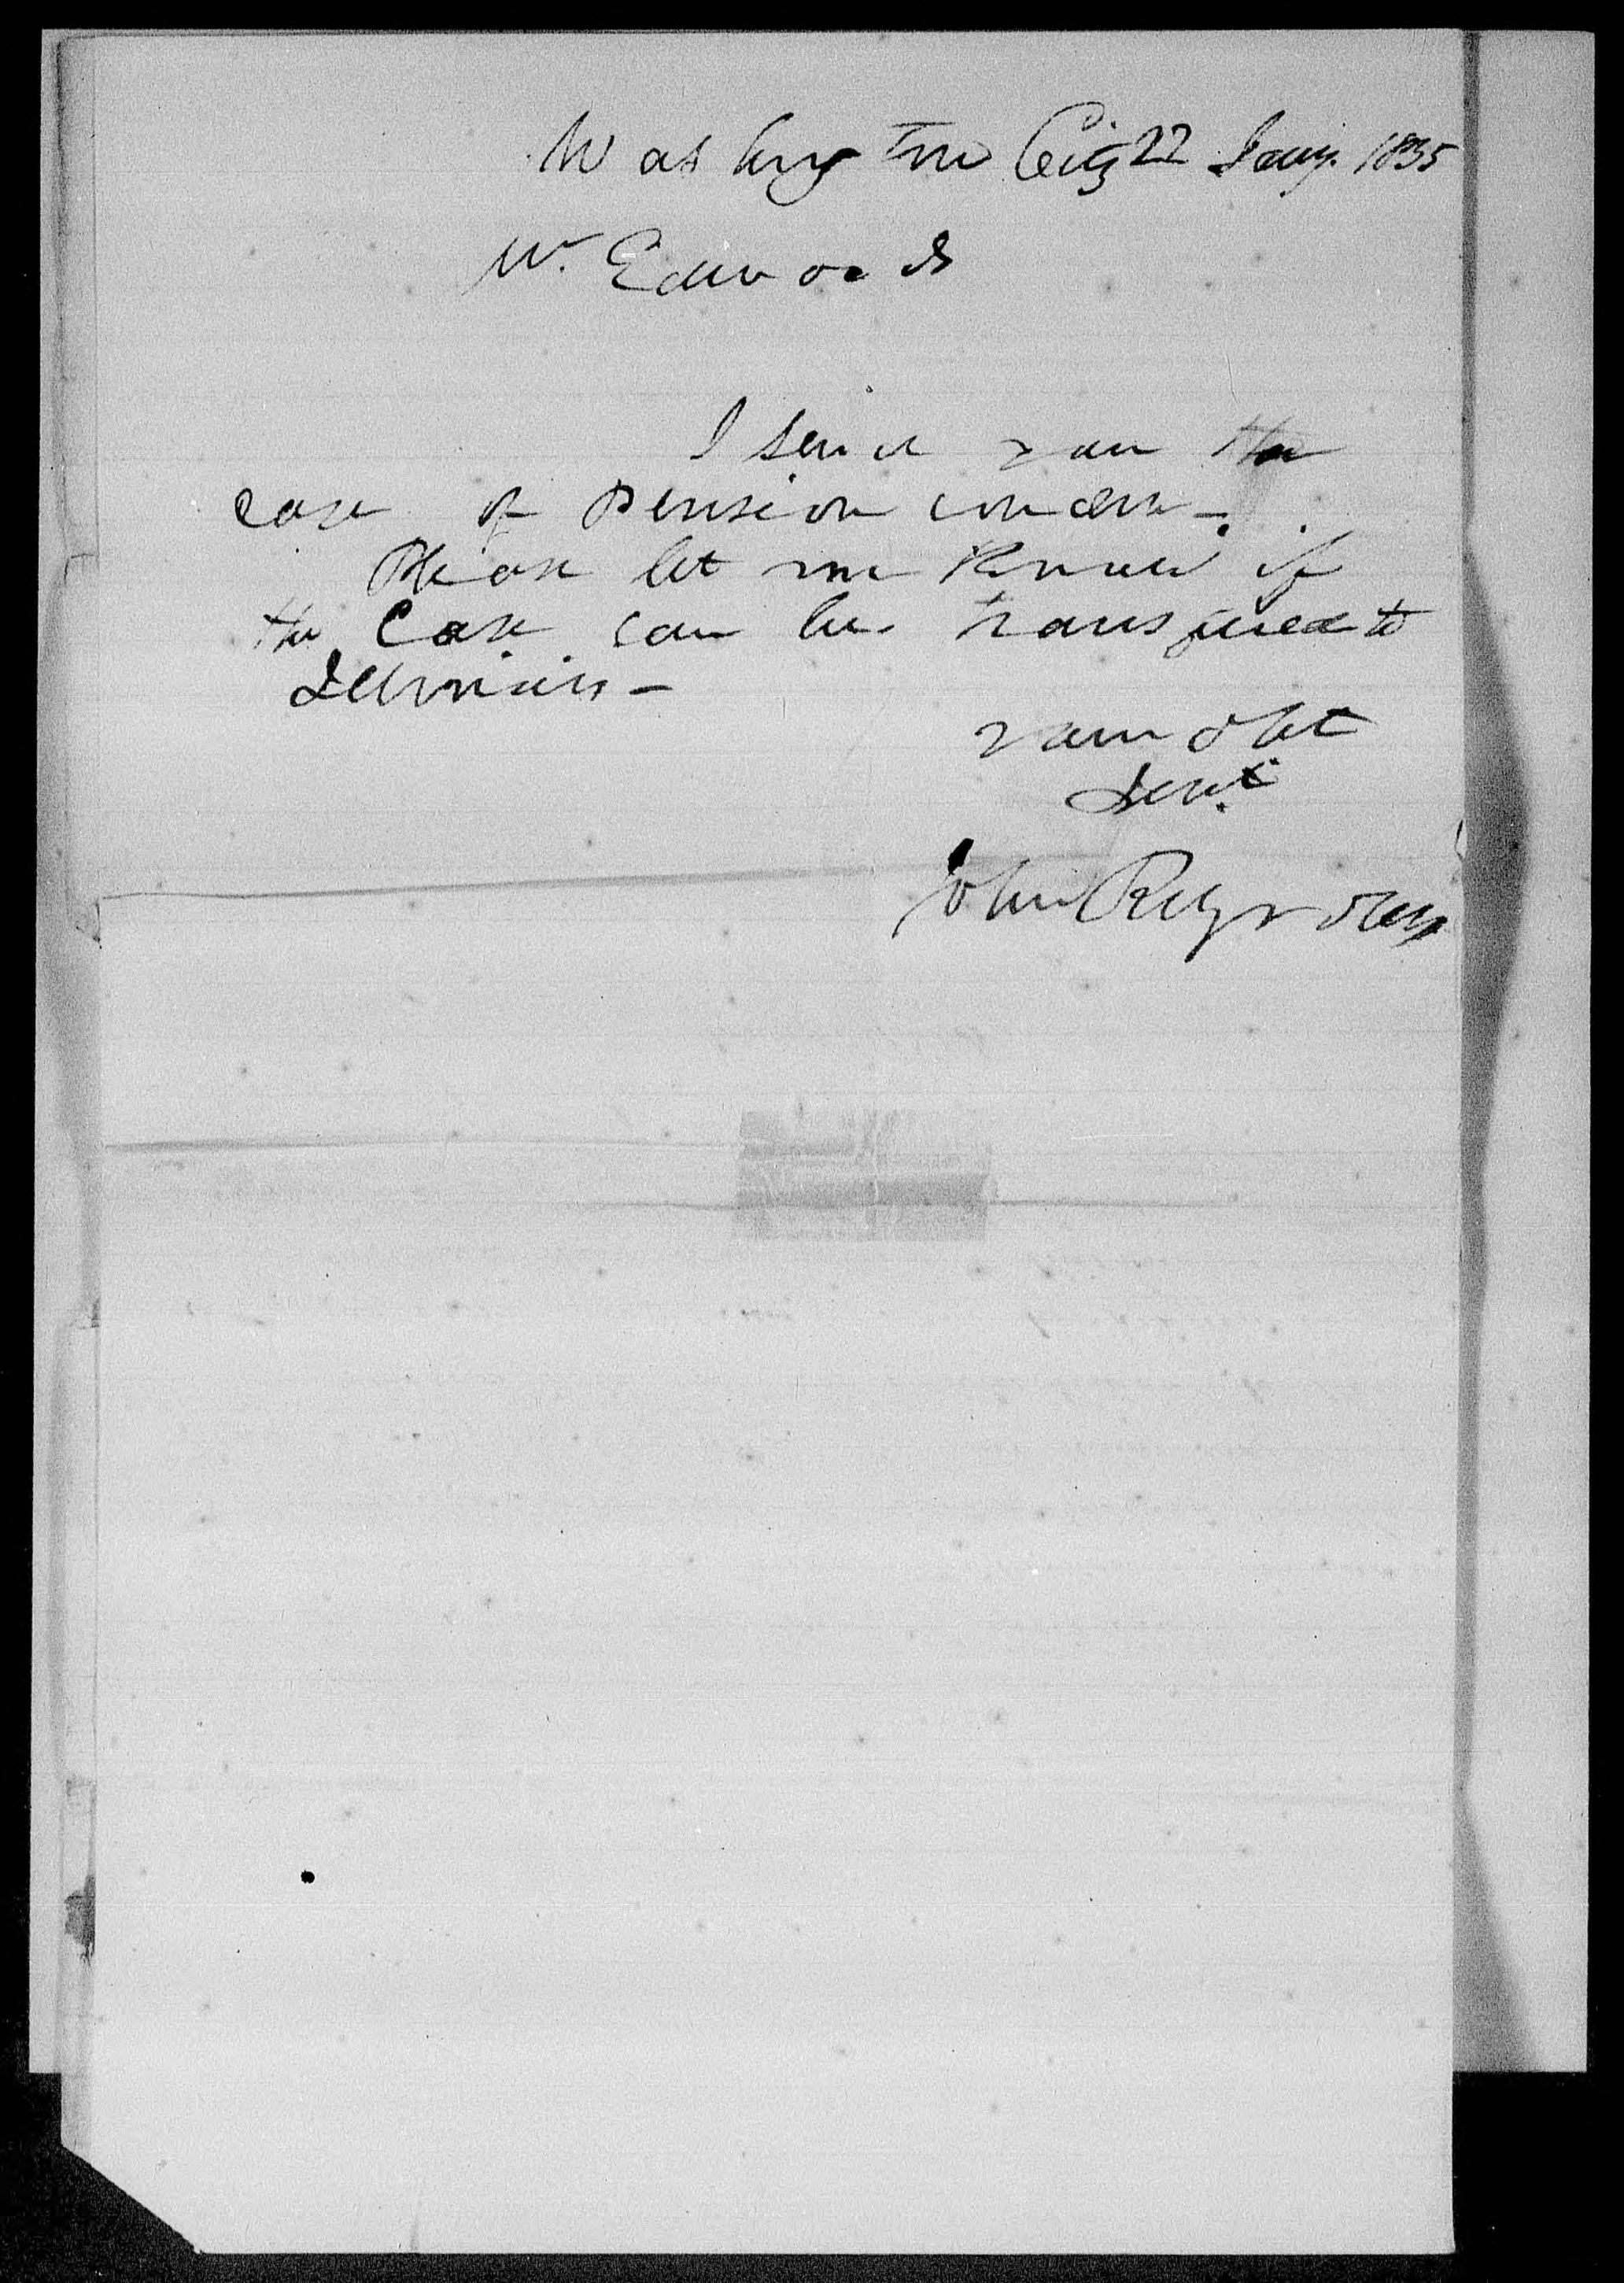Washington City 22 Jany 1835 

W. Edward

I send you the 
case of Pension [unintelligible] 
Please let me know if 
the case can be transferred to 
Illinois

I am obt
servt
John Reynolds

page: 69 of 93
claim: widow's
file: W. 21792, for Thomas Mc Clurken, South Carolina